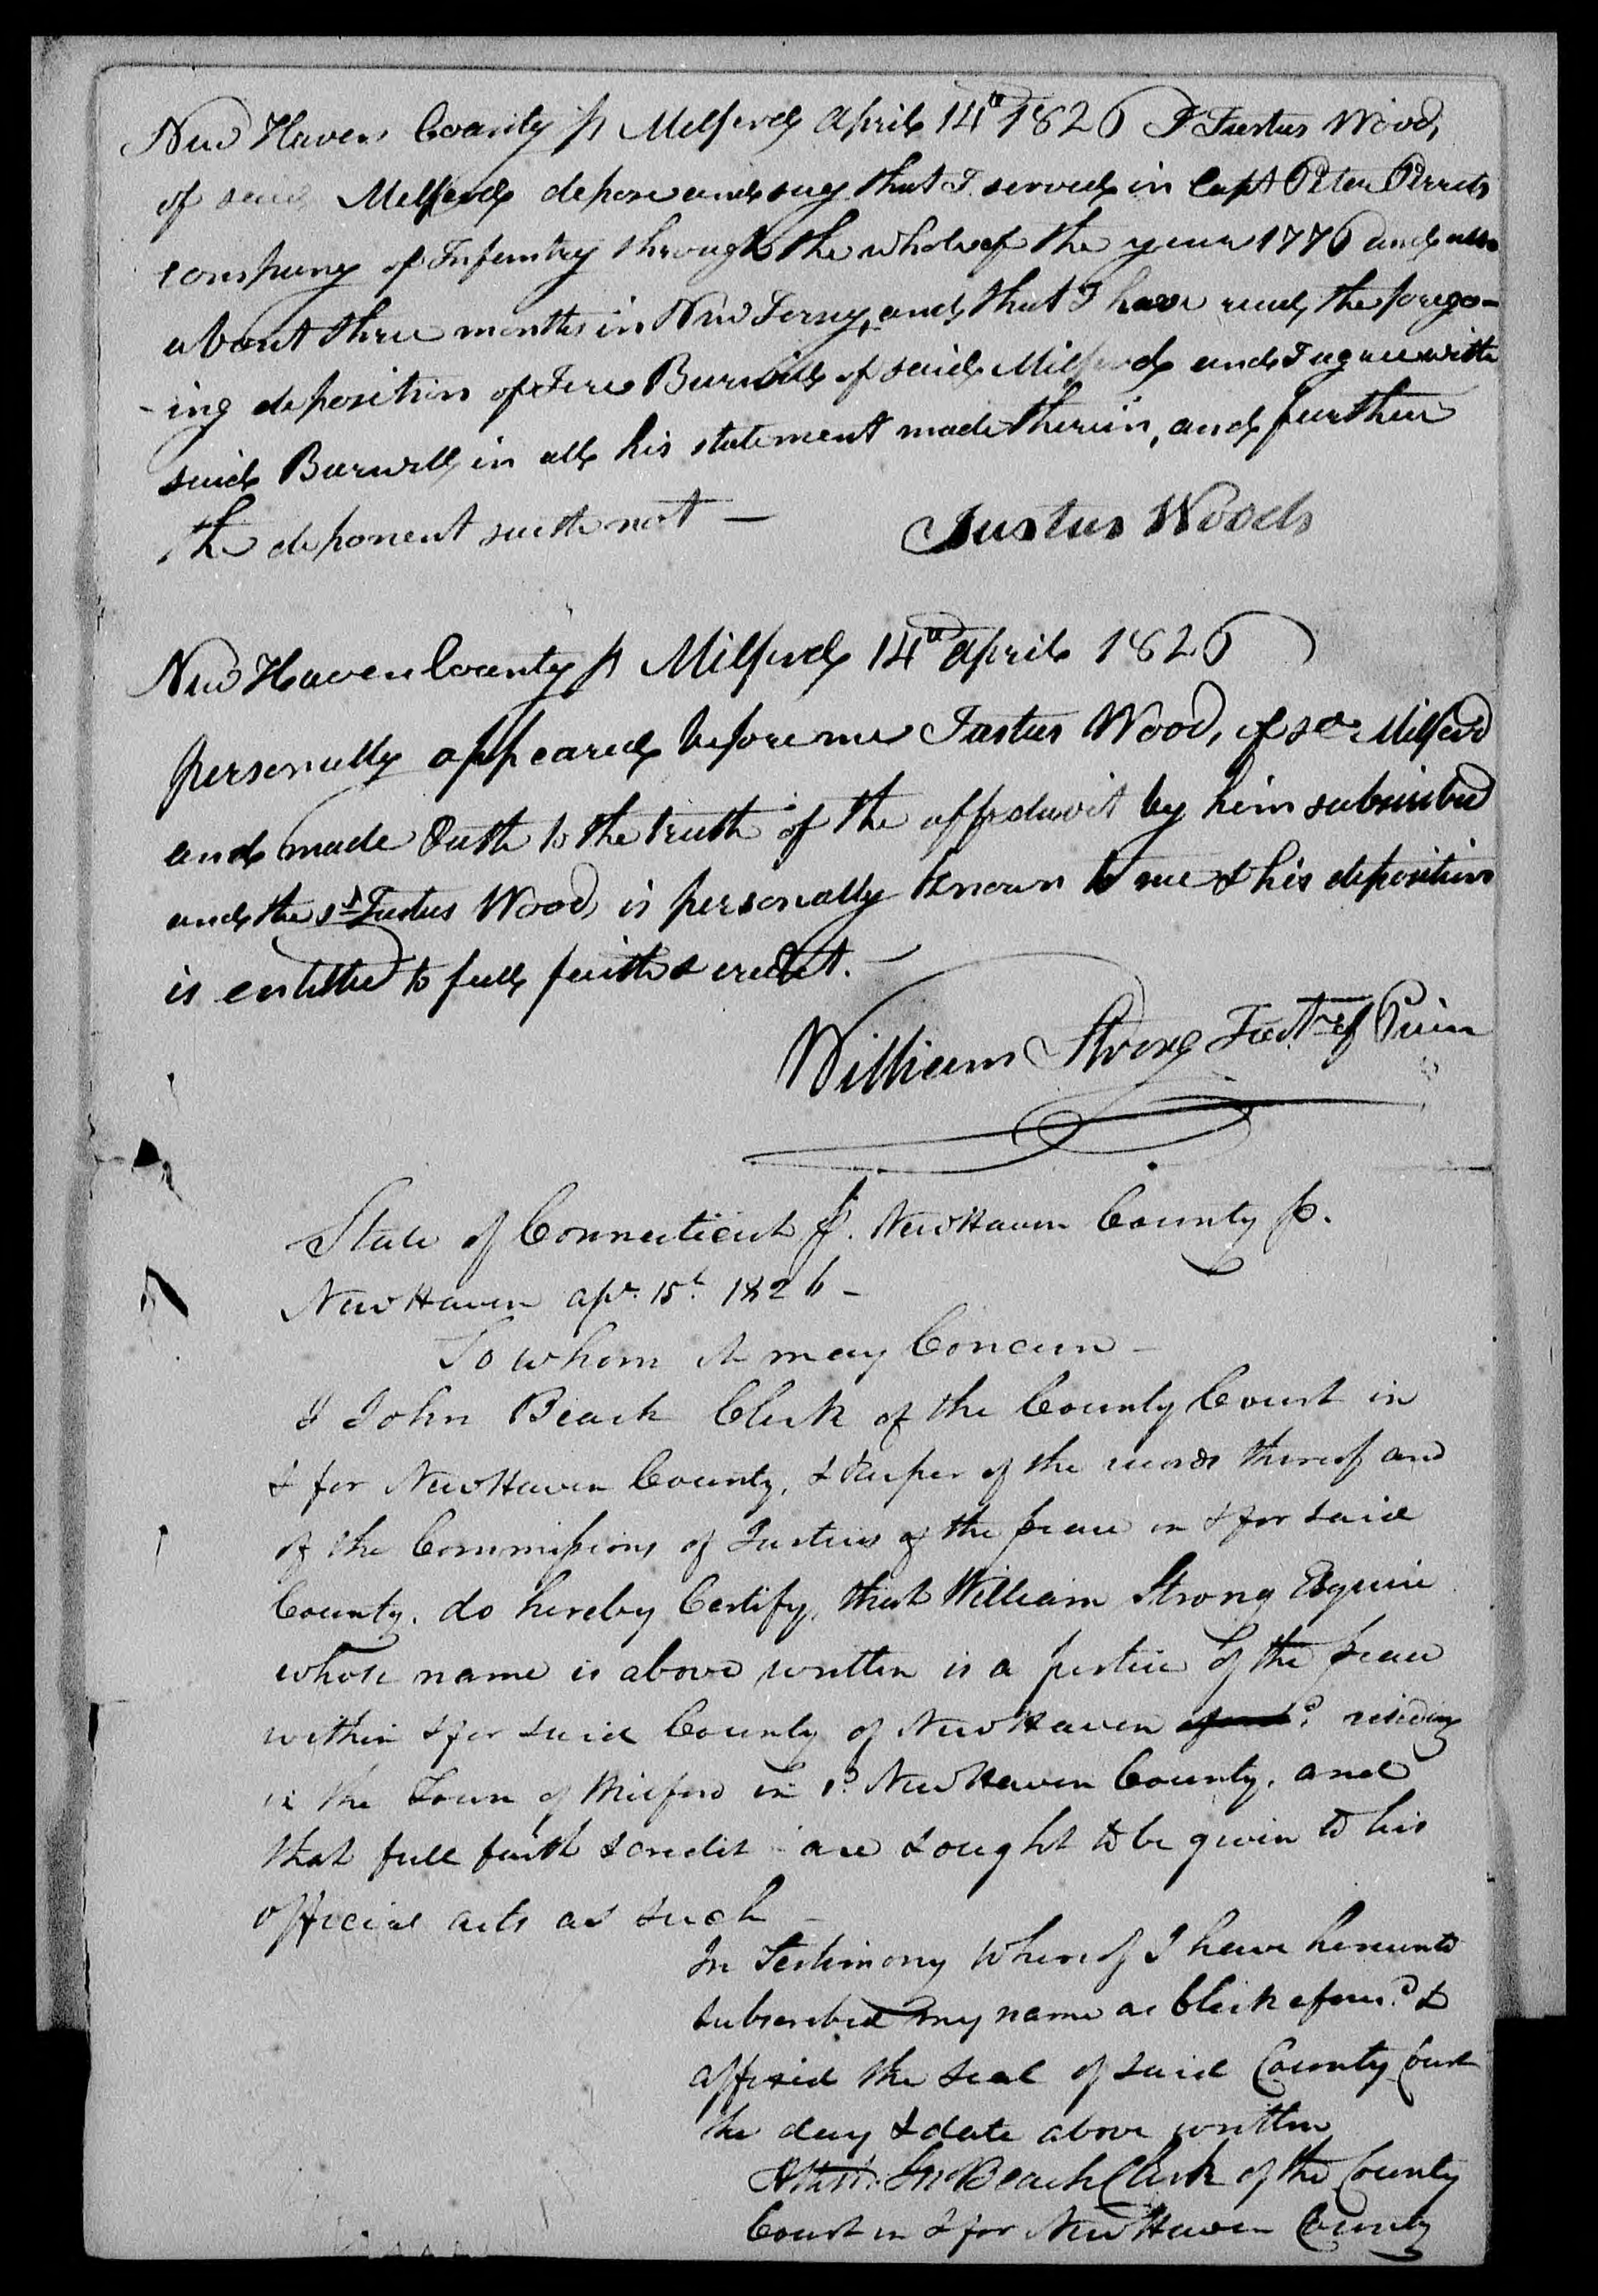New Haven County} ss: Milford April 14th 1826 I Justus Wood, of said Milford depose and say that I served in Capt Peter Perritt's company of Infantry through the whole of the year 1776 and also about three months in New Jersey and that I have read the foregoing deposition of Jere Burnell of said Milford and I agree with
said Burwell in all his statement made therein, and further the deponent saith not.
[signed] Justus Woods

New Haven County } ss: 
Milford 14th April 1826
personally appeared before me Justus Wood, of said Milford and made oath to the truth of the affidavit by him subscribed and the said Justus Wood, is personally known to me & his deposition is entitled to full faith & credit.
William Strong Just. Peace

State of Connecticut } ss: 
New Haven County } ss:
New Haven Apr 15th 1826
To whom it may Concern
I, John Beach Clerk of the County Court in
& for New Haven County, & keeper of the records thereof and of the Commission of Justices of the peace in & for said County do hereby certify that William Strong Esquire
whose name is above written is a Justice of the peace within & for said County of New Haven, residing in the Town of Milford in New Haven County, and that full faith & credit are & ought to be given to his official acts as such.
In Testimony whereof I have hereunto
subscribed my name as Clerk aforesaid &
affixed the seal of said County Court
the day & date above written.
Attest Jno Beach Clerk of the County
Court in & for New Haven County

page: 42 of 42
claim: survivor's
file: S. 36,819, for Samuel Stow, Connecticut